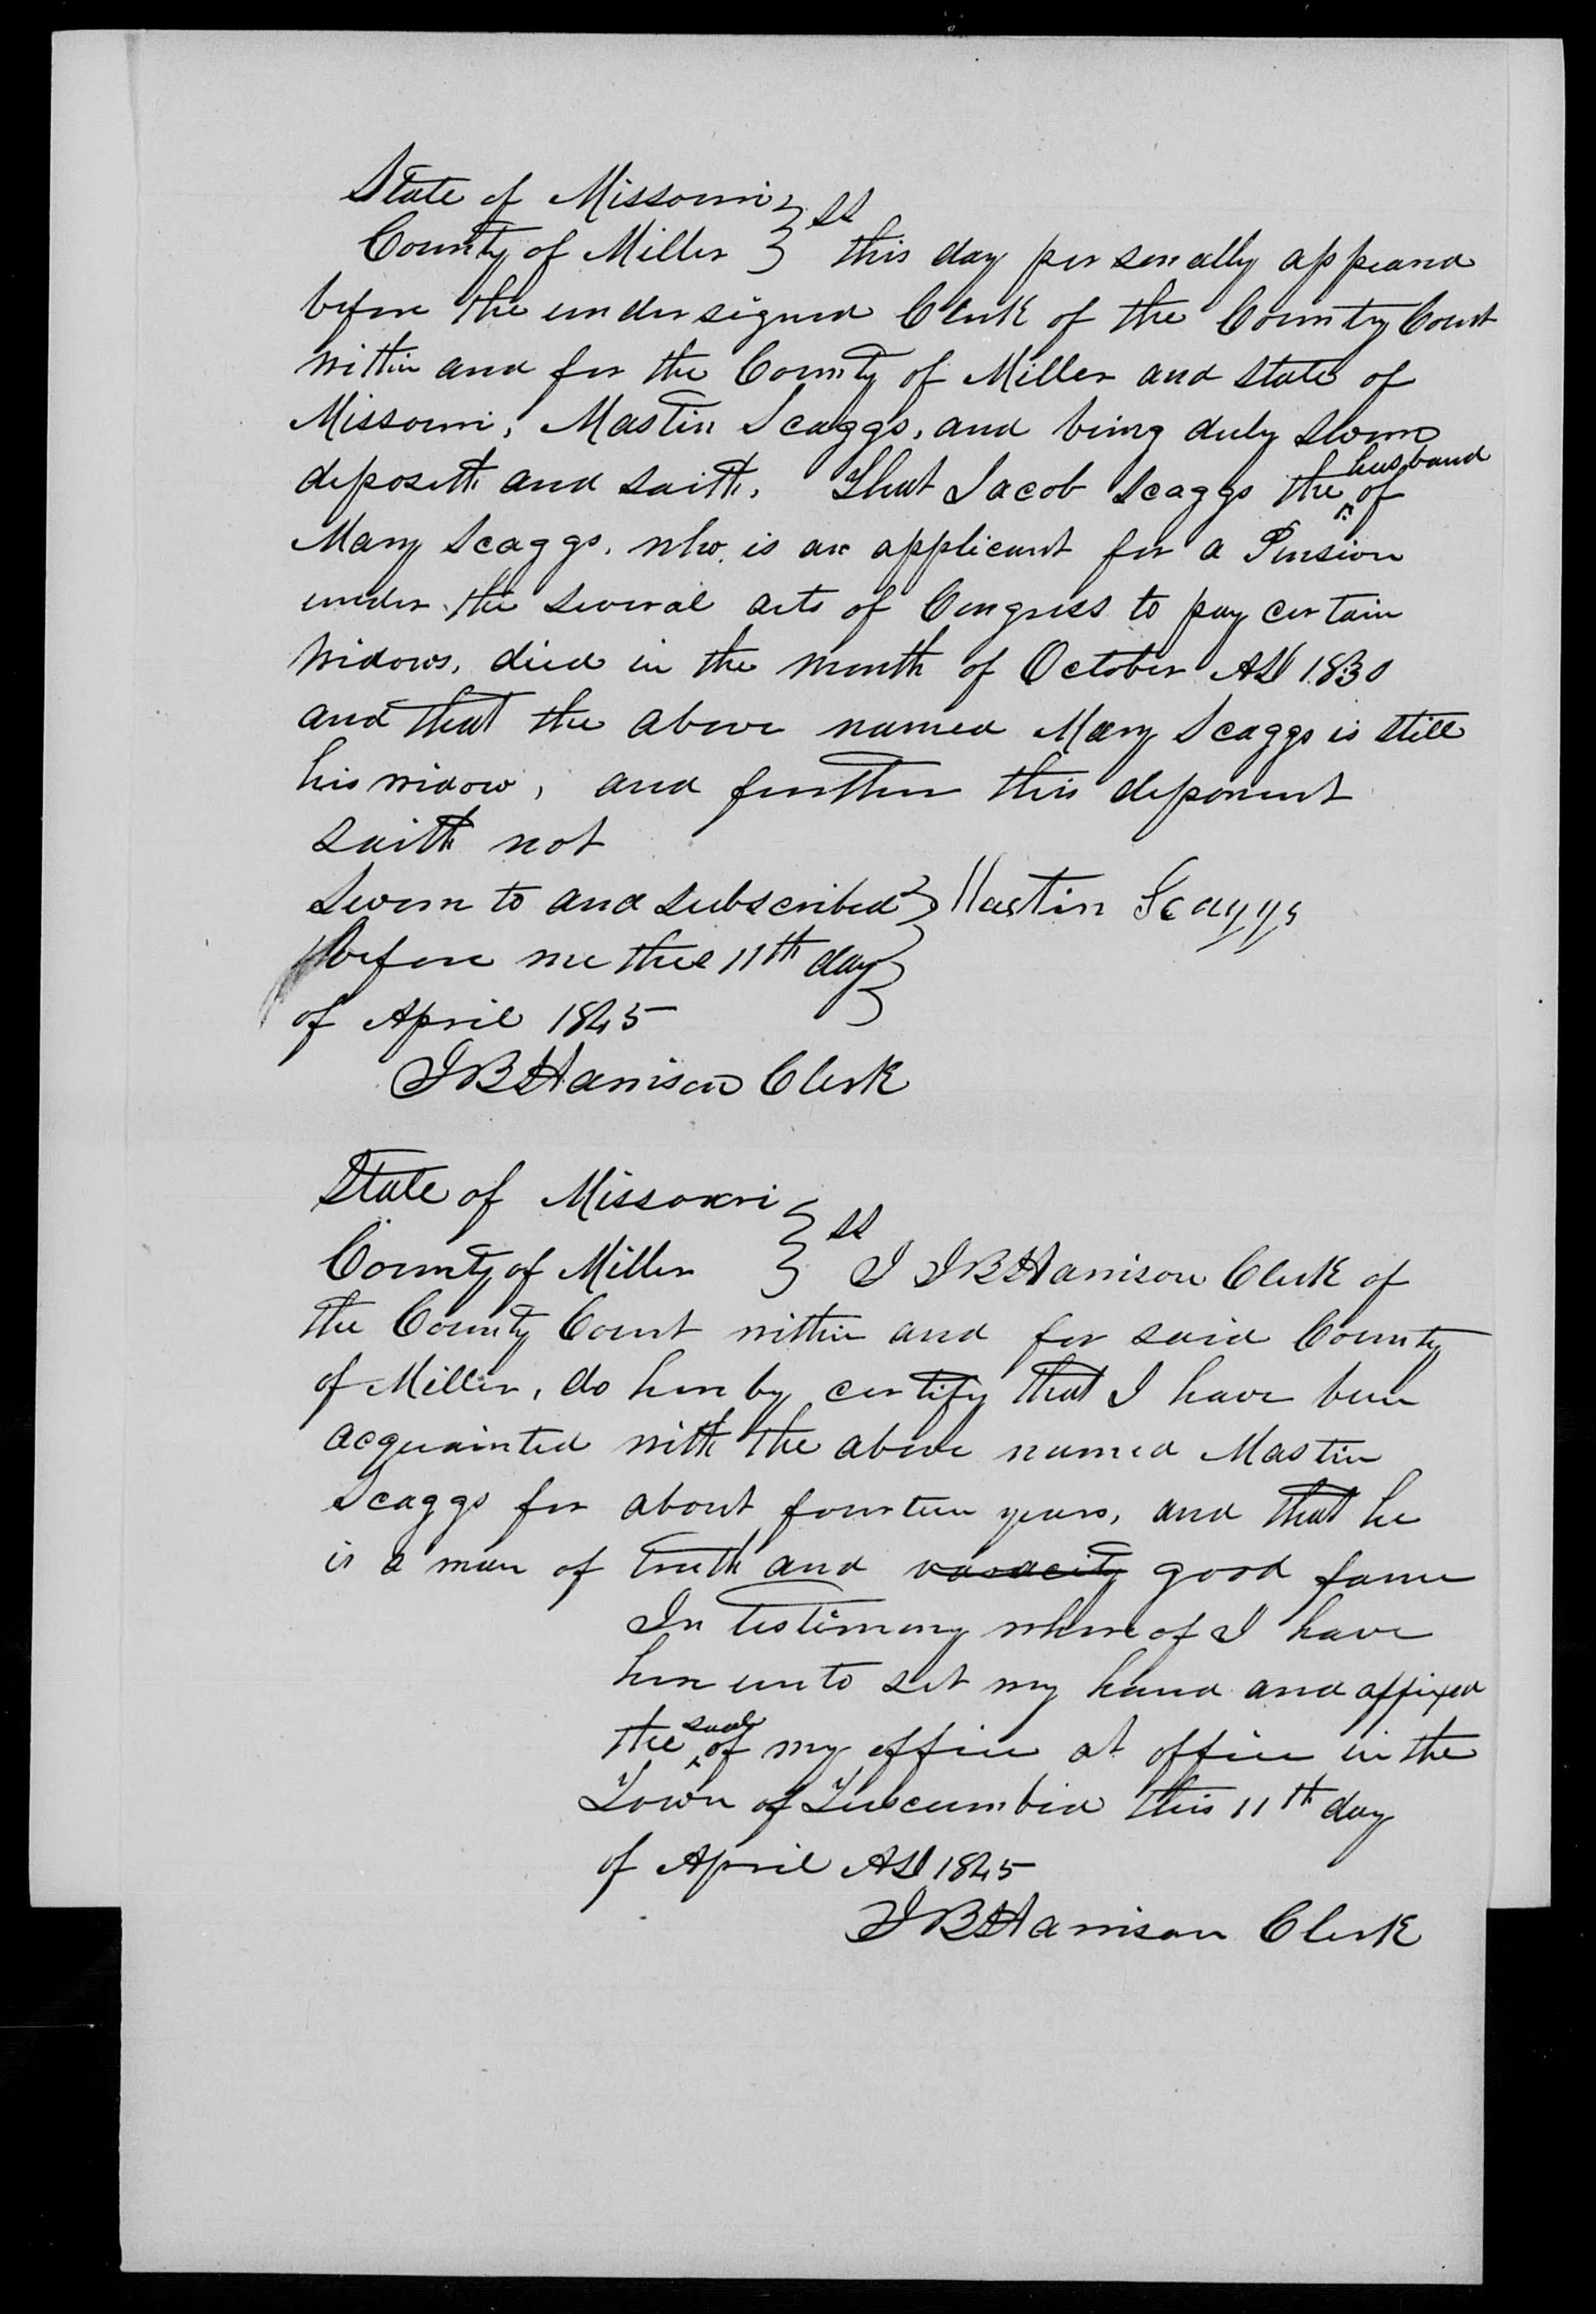State of Missouri County of Miller ⎬ this day personally appeared before the the undersigned Clerk of the County Court within and for the County of Miller and State of Missouri, Mastin Scaggs, and being duly sworn deposeth and saith, That Jacob Scaggs the husband of Mary Scaggs, who is an applicant for a Pension under the several acts of Congress to pay certain widows, died in the month of October AD 1830 and that the above named Mary Scaggs is still his widow, and further this deponent saith not 
Sworn to and subscribed before me this 11th day of April 1845 J B Harrison Clerk ⎬Mastin Scaggs
 County of Miller State of Missouri ⎬ I Harrison Clerk of the County Court within and for said County of Miller, do hereby certify that I have been acquainted with the above named Mastin Scaggs for about fourteen years, and that he is a man of truth and {veracity, lined out}  good fame In testimony whereof I have hereunto set my hand and affixed the of my office at office in the Town of Tuscumbia this 11th day of April AD 1845 J B Harrison Clerk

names: Mastin Scaggs, Mastin Scaggs, Mary Scaggs, Mary Scaggs, J B Harrison, J B Harrison, J B Harrison, Mastin Scaggs, Jacob Scaggs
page: 15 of 16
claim: rejected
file: R. 9,250, Fletcher Edwards, S.C.